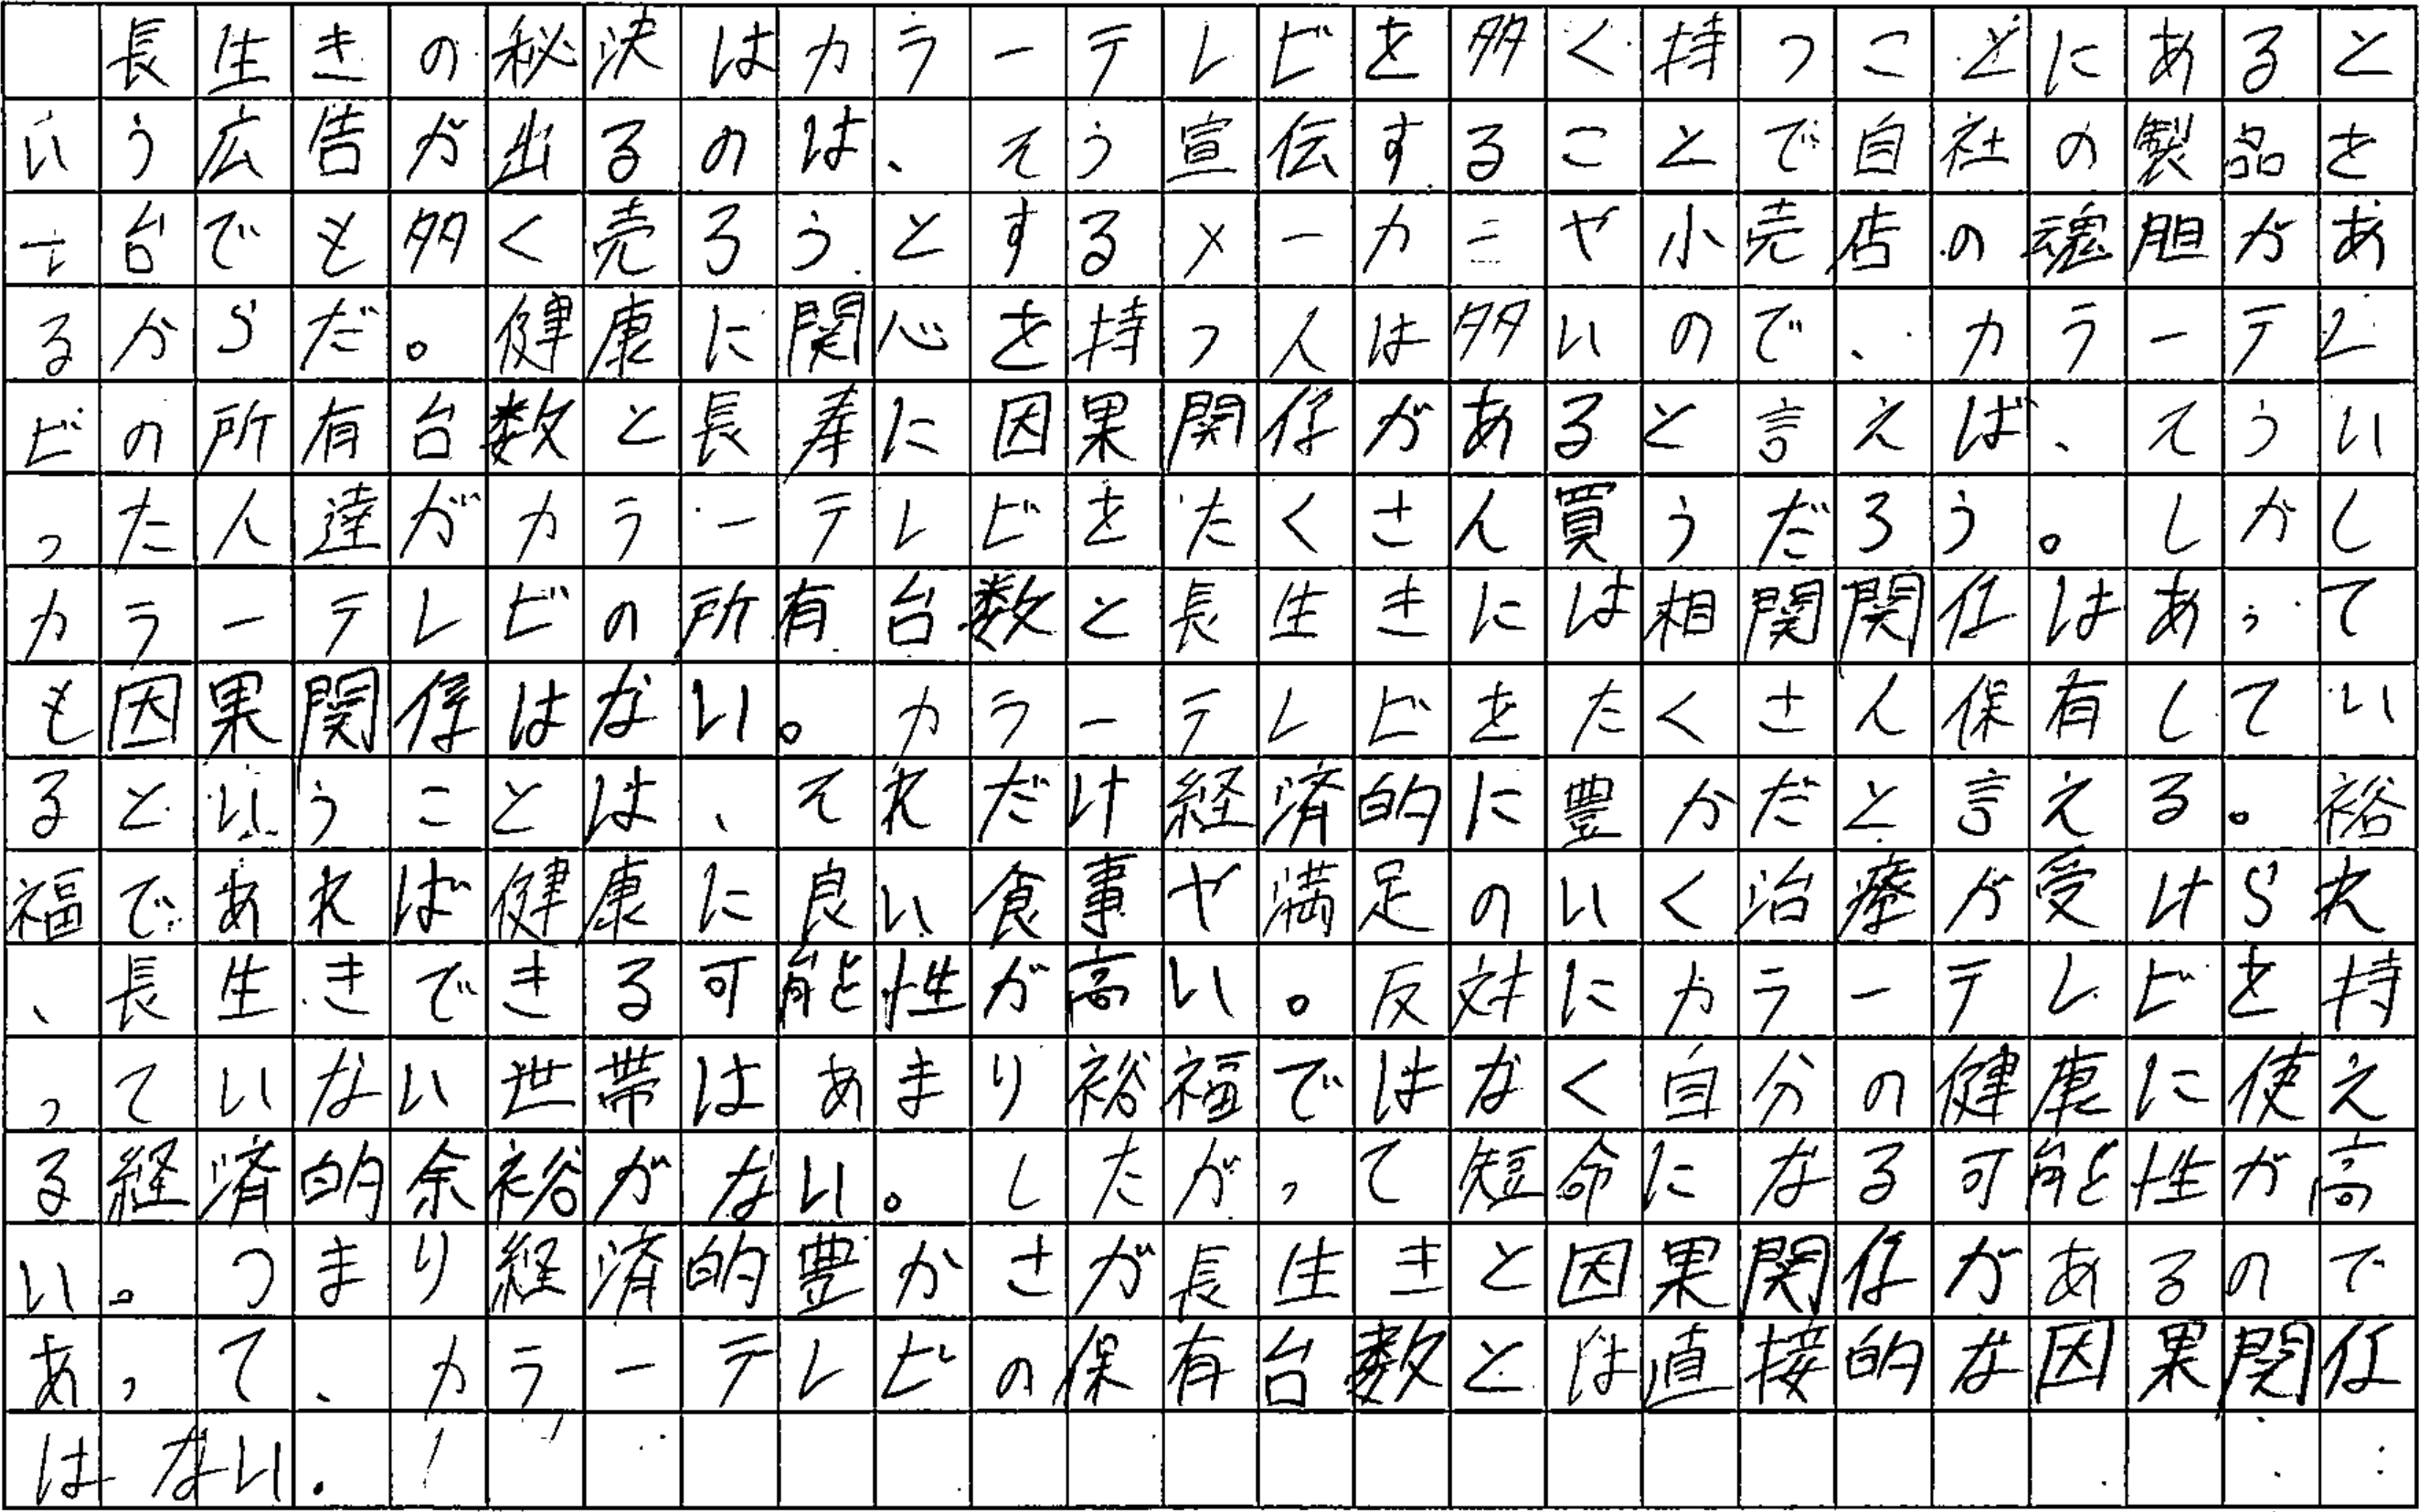　長生きの秘決はカラーテレビを多く持つことにあるという広告が出るのは、そう宣伝することで自社の製品を一台でも多く売ろうとするメーカーや小売店の魂胆があるからだ。健康に関心を持つ人は多いので、カラーテレビの所有台数と長寿に因果関係があると言えば、そういった人▁がカラーテレビをたくさん買うだろう。しかしカラーテレビの所有台数と長生きには相関関▁はあっても因果関係はない。カラーテレビをたくさん保有しているということは、それだけ経済的に豊かだと言える。裕福であれば健康に良い食事や満足のいく治療が受けられ、長生きできる可能性が高い。反対にカラーテレビを持っていない世帯はあまり裕福ではなく自分の健康に使える経済的余裕がない。したがって短命になる可能性が高い。つまり経済的豊かさが長生きと因果関係があるのであって、カラーテレビの保有台数とは直接的な因果関係はない。
